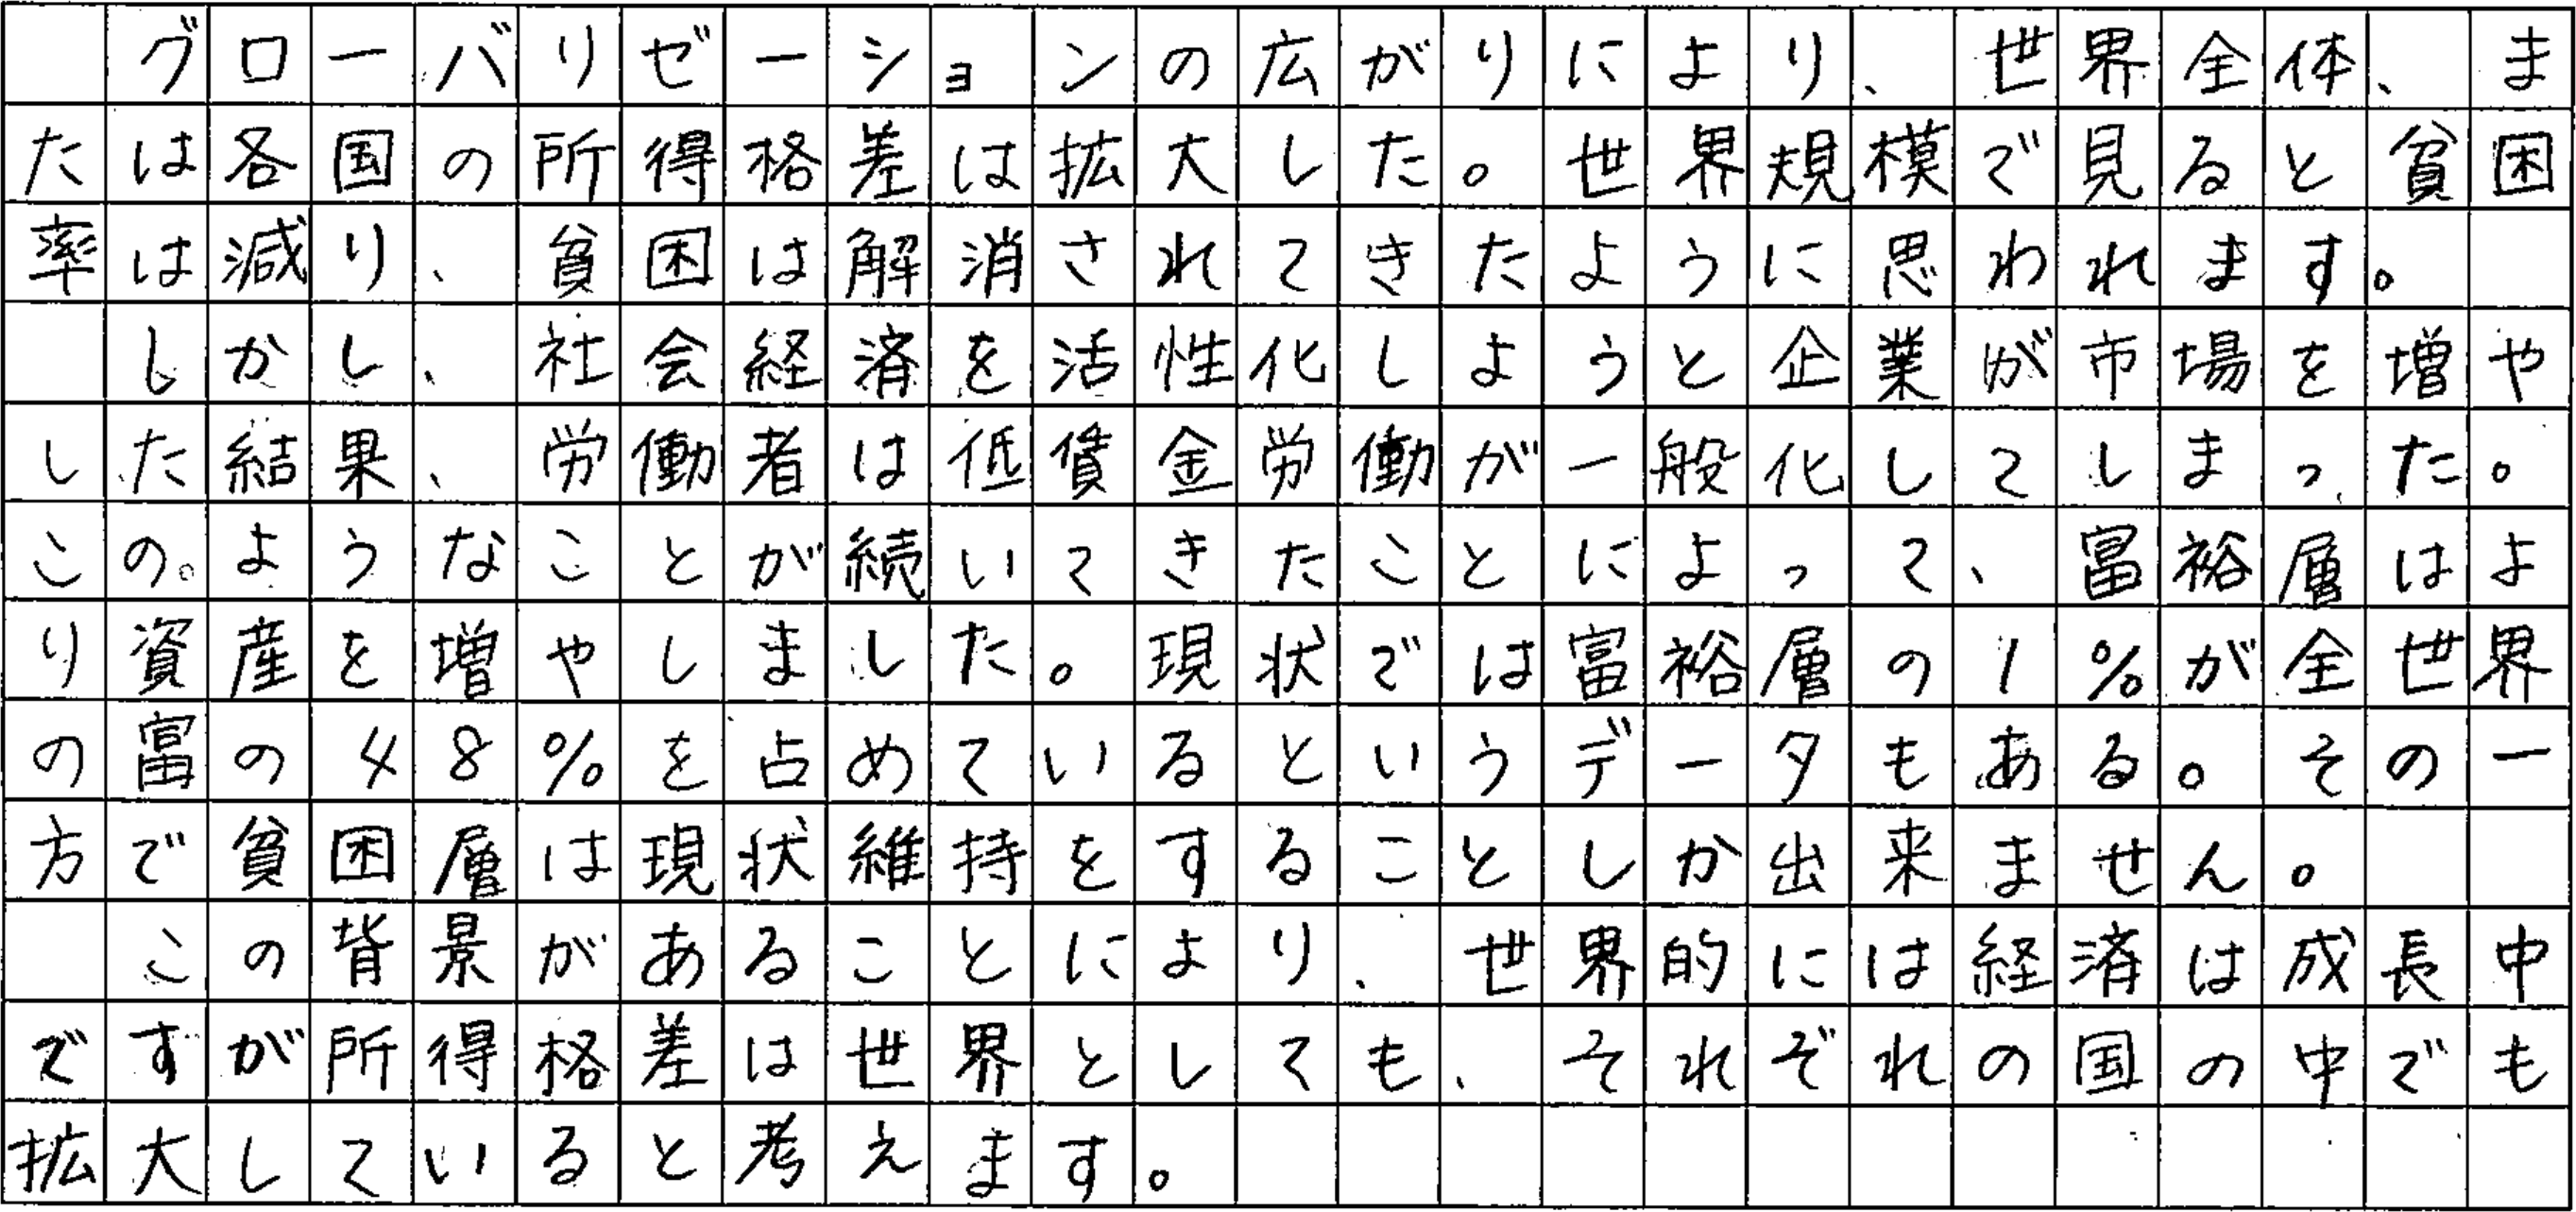　グローバリゼーションの広がりにより、世界全体、または各国の所得格差は拡大した。世界規模で見ると貧困率は減り、貧困は解消されてきたように思われます。
　しかし、社会経済を活性化しようと企業が市場を増やした結果、労働者は低賃金労働が一般化してしまった。このようなことが続いてきたことによって、富裕層はより資金を増やしました。現状では富裕層の１％が全世界の富の４８％を占めているというデータもある。その一方で貧困層は現状維持をすることしか出来ません。
　この背景があることにより、世界的には経済は成長中ですが所得格差は世界としても、それぞれの国の中でも拡大していると考えます。
